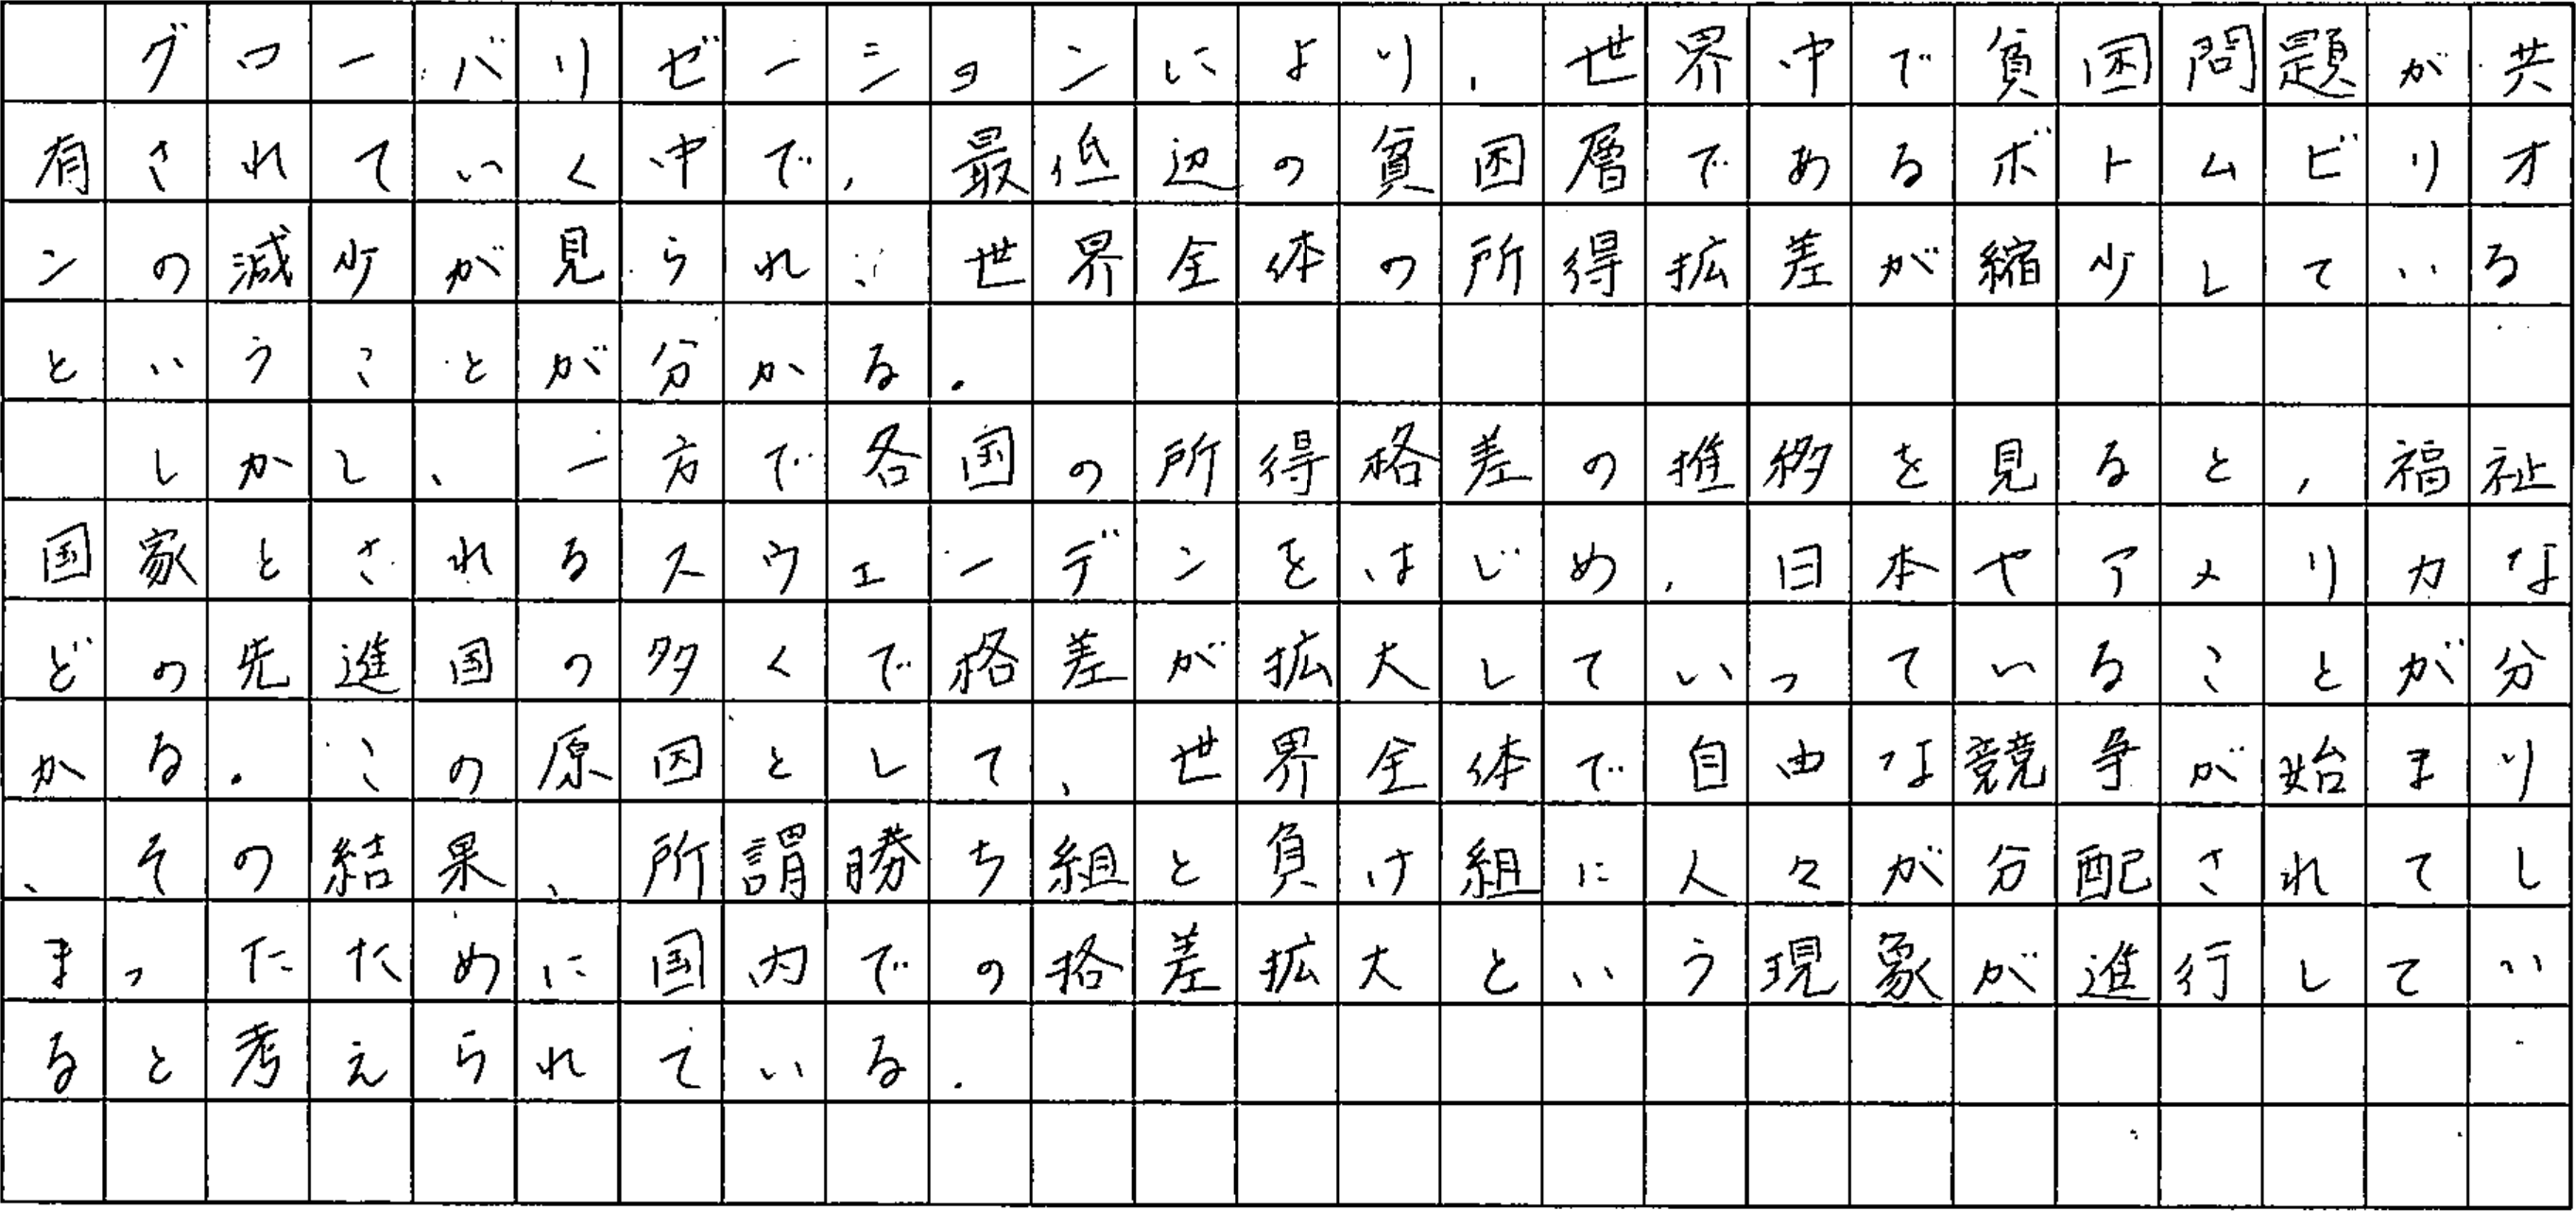 　グローバリゼーションにより、世界中で貧困問題が共有されていく中で、最低辺の貧困層であるボトムビリオンの減少がみられ、世界全体の所得拡差が縮少しているということが分かる。
　しかし、一方で各国の所得格差の推移を見ると、福祉国家とされるスウェーデンをはじめ、日本やアメリカなどの先進国の多くで格差が拡大していっていることが分かる。この原因として、世界全体で自由な競争が始まり、その結果、所謂勝ち組と負け組に人々が分配されてしまったために国内での格差拡大という現象が進行していると考えられている。
